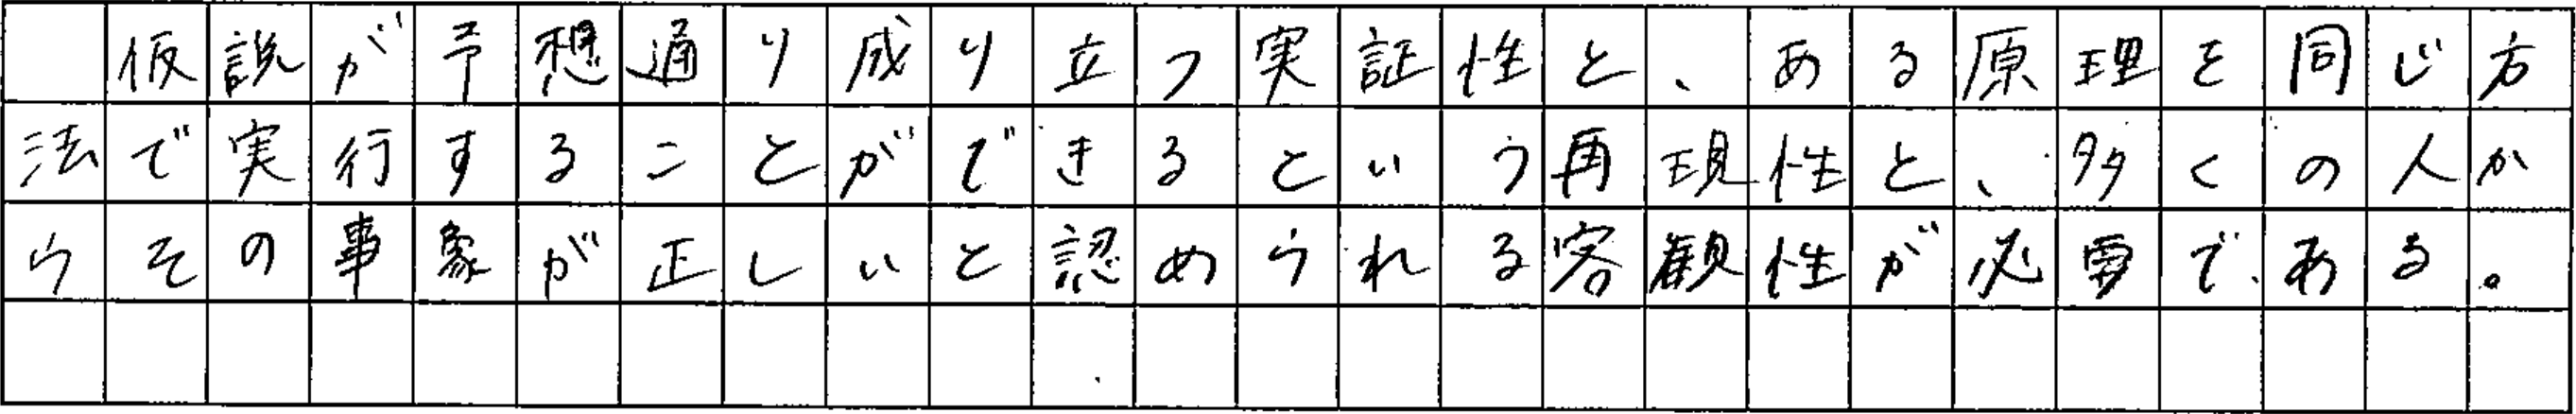　仮説が予想通り成り立つ実証性と、ある原理を同じ方法で実行することができるという再現性と、多くの人からその事象が正しいと認められる客観性が必要である。
